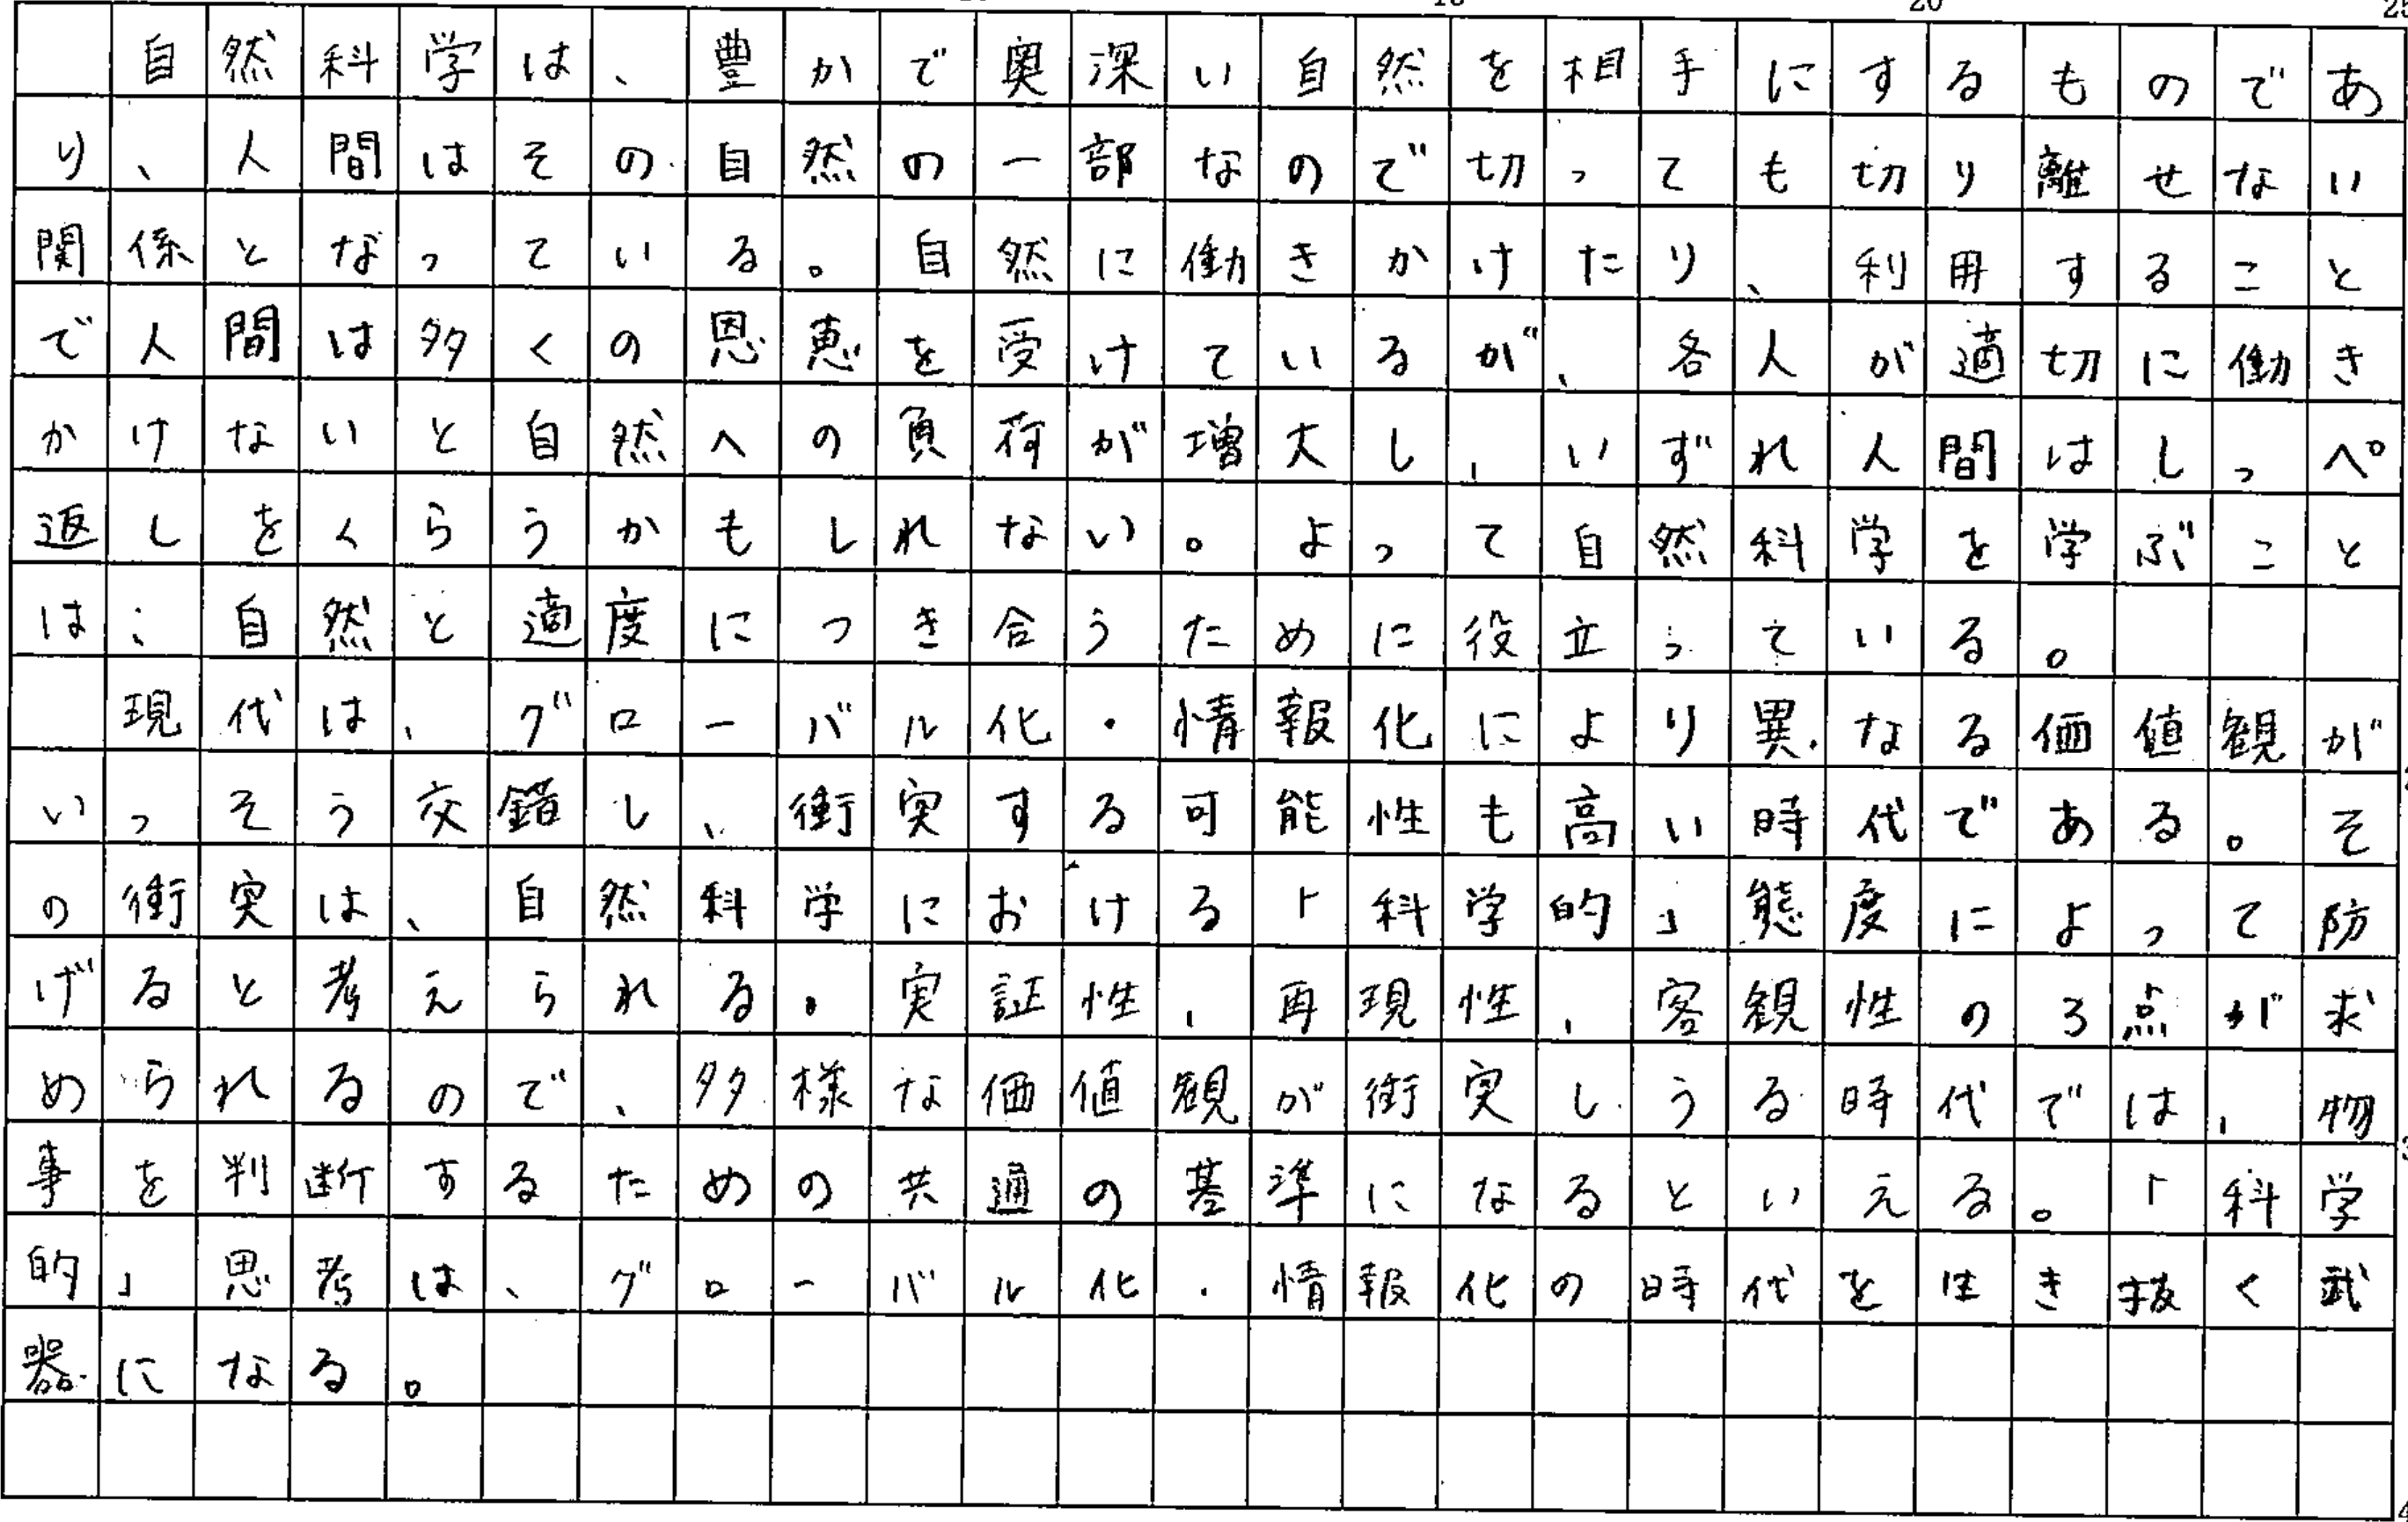　自然科学は、豊かで奥深い自然を相手にするものであり、人間はその自然の一部なので切っても切り離せない関係となっている。自然に働きかけたり、利用することで人間は多くの恩恵を受けているが、各人が適切に働きかけないと自然への負荷が増大し、いずれ人間はしっぺ返しをくらうかもしれない。よって自然科学を学ぶことは、自然と適度につき合うために役立っている。
　現代は、グローバル化・情報化により異なる価値観がいっそう交錯し、衝突する可能性も高い時代である。その衝突は、自然科学における「科学的」態度によって防げると考えられる。実証性、再現性、客観性の３点が求められるので、多様な価値観が衝突しうる時代では、物事を判断するための共通の基準になるといえる。「科学的」思考は、グローバル化・情報化の時代を生き抜く武器になる。
